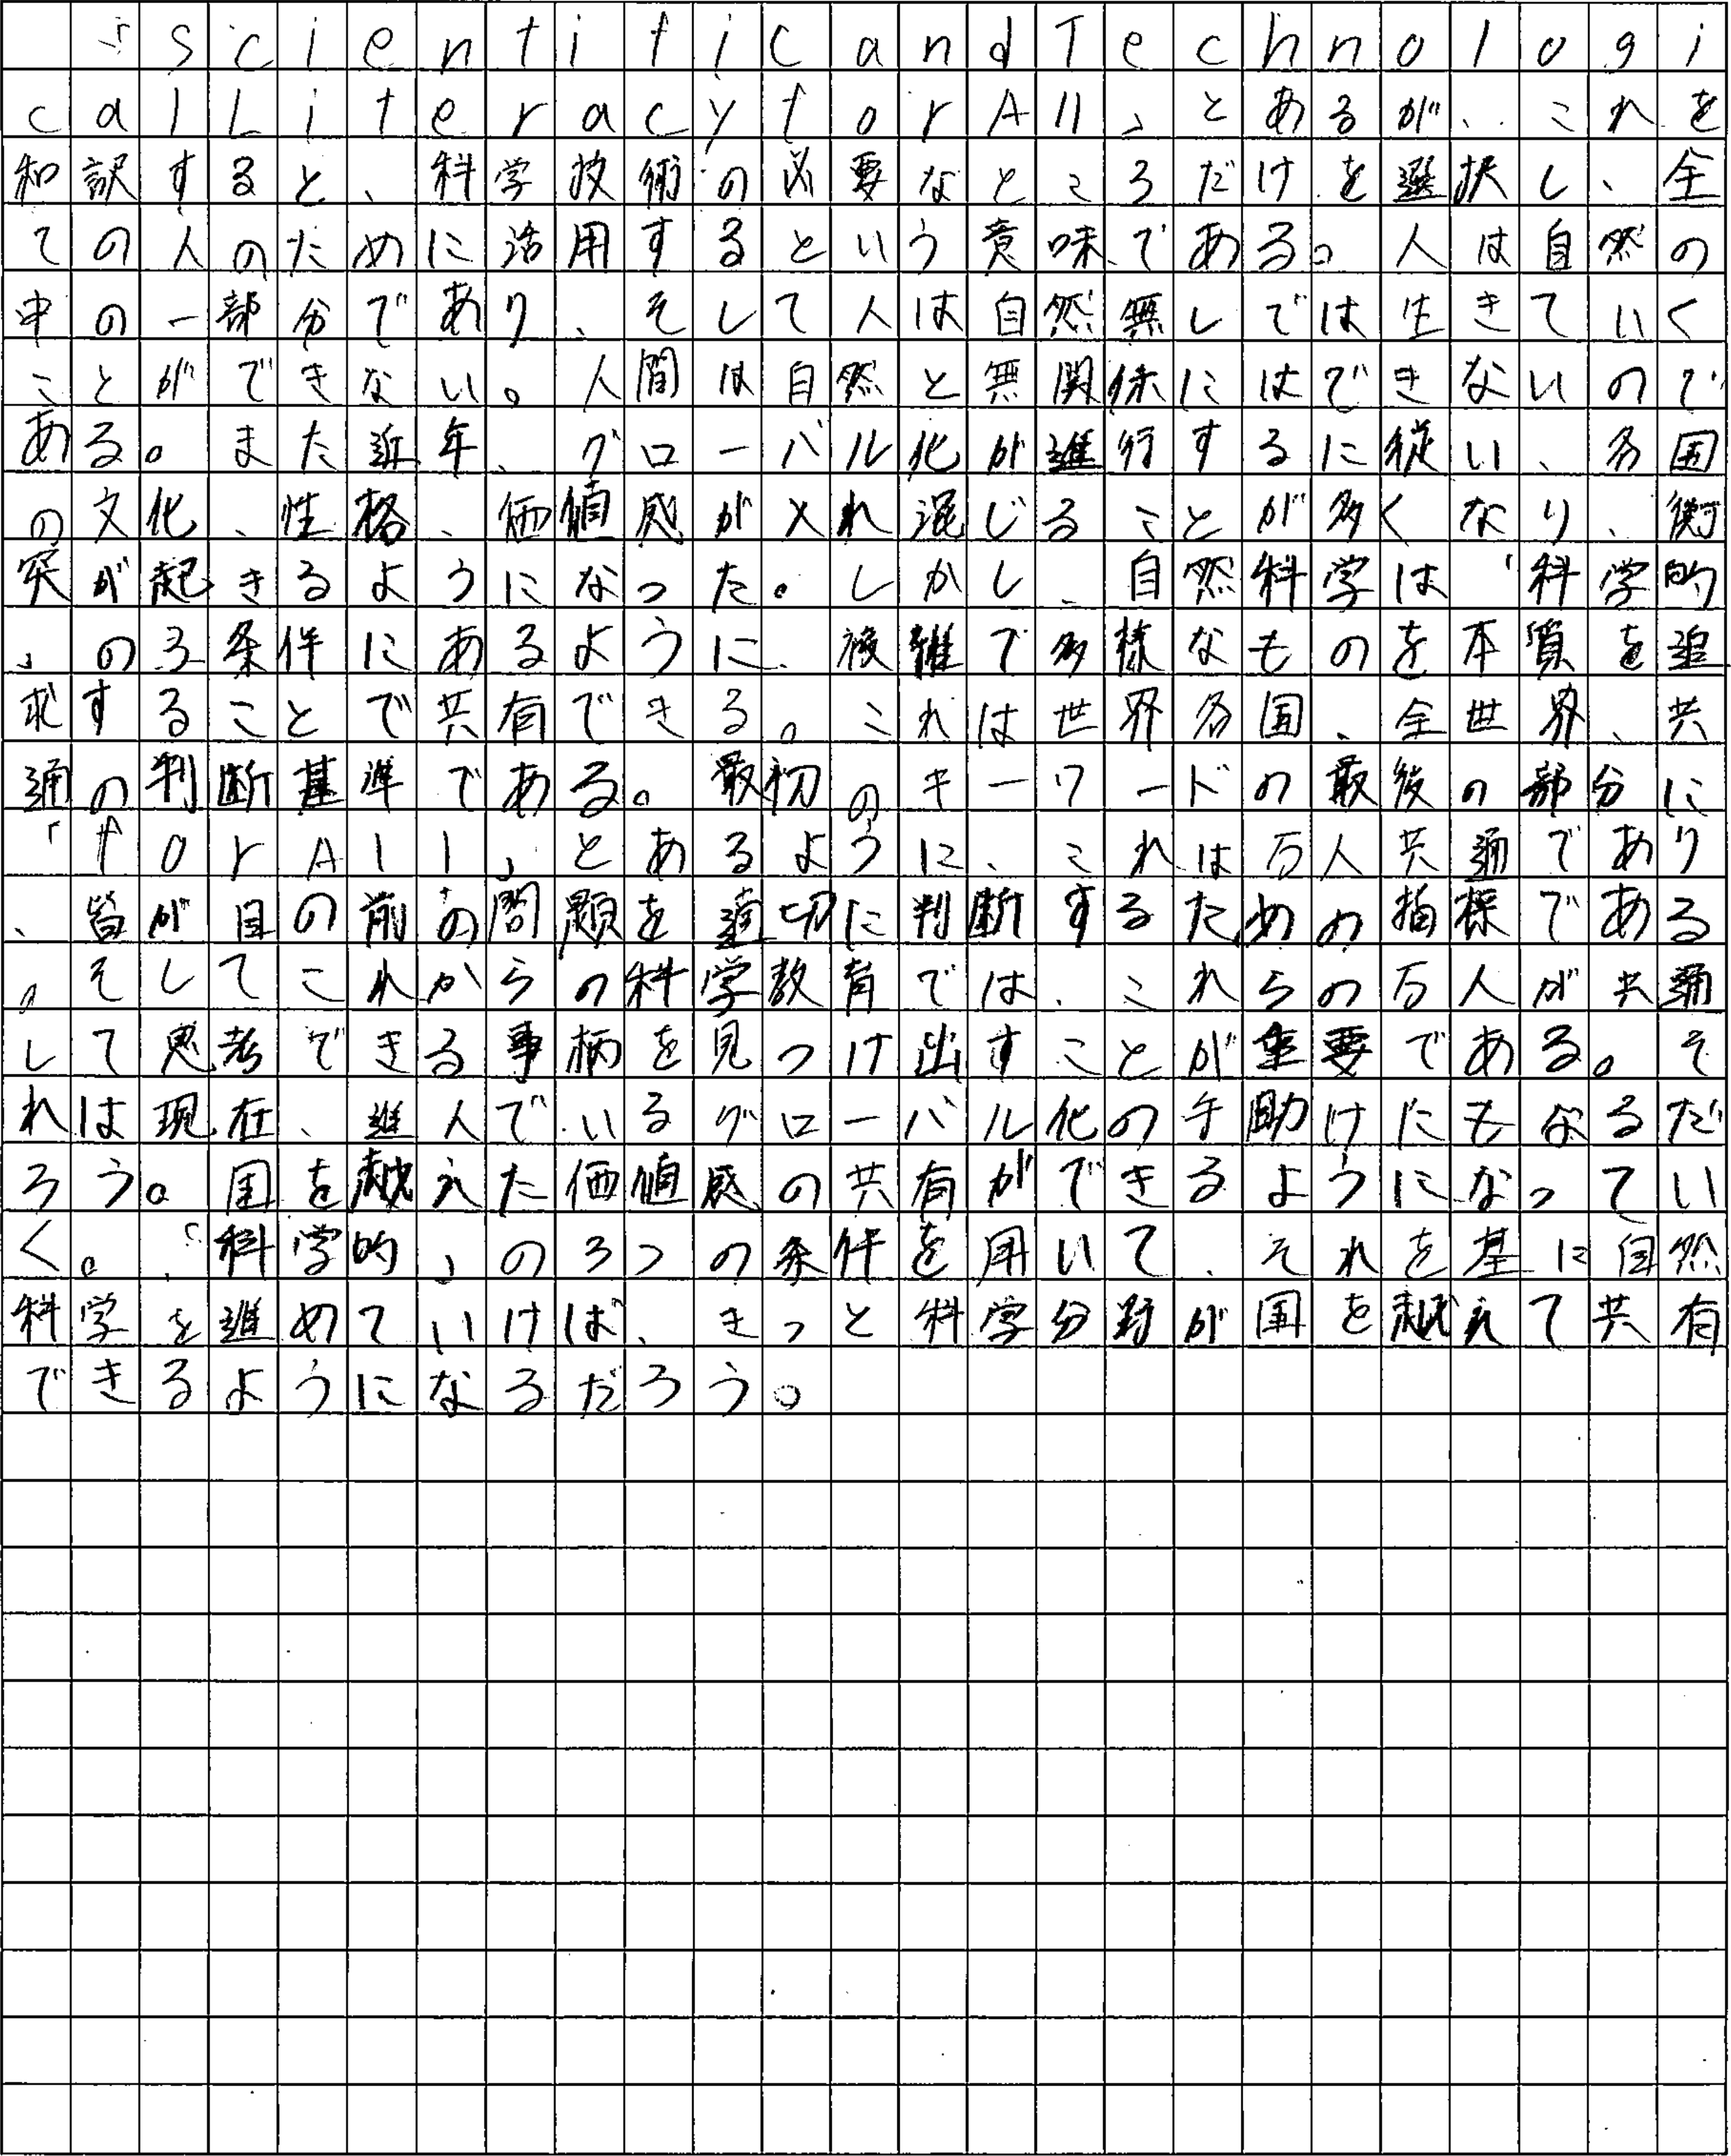　「ＳｃｉｅｎｔｉｆｉｃａｎｄＴｅｃｈｎｏｌｏｇｉｃａｌＬｉｔｅｒａｃｙｆｏｒＡｌｌ」とあるが、これを和訳すると、科学技術の必要なところだけを選択し、全ての人のために活用するという意味である。人は自然の中の一部分であり、そして人は自然無しでは生きていくことができない。人間は自然と無関係にはできないのである。また近年、グローバル化が進行するに従い、各国の文化、性格、価値感が入れ混じることが多くなり、衡突が起きるようになった。しかし、自然科学は「科学的」の３条件にあるように、複雑で多様なものを本質を追求することで共有できる。これは世界各国、全世界、共通の判断基準である。最初のキーワードの最後の部分に「ｆｏｒＡｌｌ」とあるように、これは万人共通であり、皆が目の前の問題を適切に判断するための指標である。そしてこれからの科学教育では、これらの万人が共通して思考できる事柄を見つけ出すことが重要である。それは現在、進んでいるグローバル化の手助けにもなるだろう。国を越えた価値感の共有ができるようになっていく。「科学的」の３つの条件を用いて、それを基に自然科学を進めていけば、きっと科学分野が国を越えて共有できるようになるだろう。
